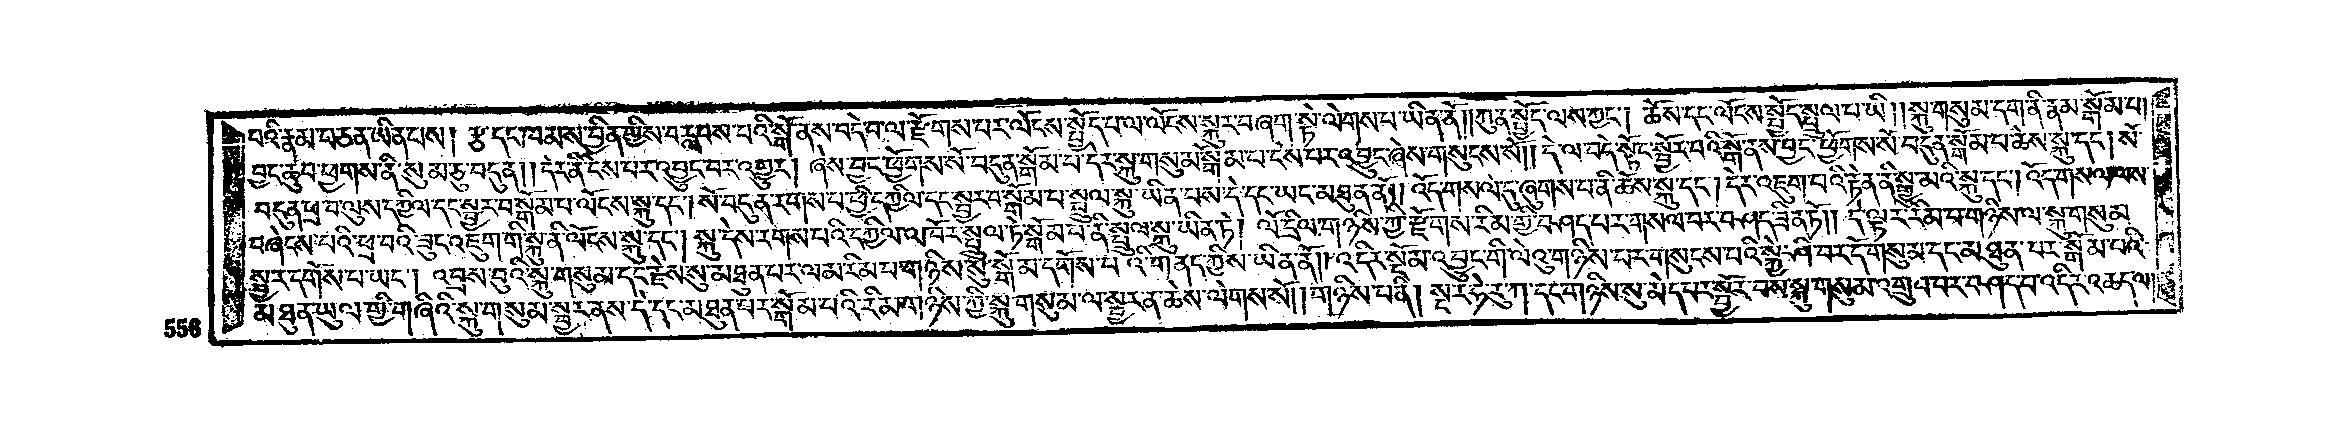པའི་རྣམ་པ་ཅན་ཡིན་པས། རྩ་དང་ཁམས་བྱིན་གྱིས་བརླབས་པའི་སྒོ་ནས་བདེ་བ་ལ་རྫོགས་པར་ལོངས་སྤྱོད་པ་ལ་ལོངས་སྐུར་བཞག་སྟེ་ལེགས་པ་ཡིན་ནོ། །ཀུན་སྤྱོད་ལས་ཀྱང་། ཆོས་དང་ལོངས་སྤྱོད་སྤྲུལ་པ་ཡི། །སྐུ་གསུམ་དག་ནི་རྣམ་སྒོམ་པ།
བྱང་ཆུབ་ཕྱོགས་ནི་སུམ་ཅུ་བདུན། །དེར་ནི་ངེས་པར་འབྱུང་བར་འགྱུར། ཞེས་བྱང་ཕྱོགས་སོ་བདུན་སྒོམ་པ་དེར་སྐུ་གསུམ་སྒོམ་པ་ངེས་པར་འབྱུང་ཞེས་གསུངས་སོ། །དེ་ལ་བདེ་སྟོང་སྦྱོར་བའི་སྒོ་ནས་བྱང་ཕྱོགས་སོ་བདུན་སྒོམ་པ་ཆོས་སྐུ་དང་། སོ་
བདུན་ཕྲ་བ་ལུས་དཀྱིལ་དང་སྦྱར་བ་སྒོམ་པ་ལོངས་སྐུ་དང་། སོ་བདུན་རགས་པ་ཕྱི་དཀྱིལ་དང་སྦྱར་བ་སྒོམ་པ་སྤྲུལ་སྐུ་ཡིན་པས་དེ་དང་ཡང་མཐུན་ནོ། །འོད་གསལ་དུ་ཞུགས་པ་ནི་ཆོས་སྐུ་དང་། དེར་འཇུག་པའི་རྟེན་ནི་སྒྱུ་མའི་སྐུ་དང་། འོད་གསལ་ལས་
བཞེངས་པའི་ཕྲ་བའི་ཟུང་འཇུག་གི་སྐུ་ནི་ལོངས་སྐུ་དང་། སྐུ་དེས་རགས་པའི་དཀྱིལ་འཁོར་སྤྲུལ་ཏེ་སྒོམ་པ་ནི་སྤྲུལ་སྐུ་ཡིན་ཏེ། ལོ་དྲིལ་གཉིས་ཀྱི་རྫོགས་རིམ་གྱི་བཤད་པར་གསལ་བར་བཤད་ཟིན་ཏོ། །དེ་ལྟར་རིམ་པ་གཉིས་ལ་སྐུ་གསུམ་
སྦྱར་དགོས་པ་ཡང་། འབྲས་བུའི་སྐུ་གསུམ་དང་རྗེས་སུ་མཐུན་པར་ལམ་རིམ་པ་གཉིས་སུ་སྒོམ་དགོས་པའི་གནད་ཀྱིས་ཡིན་ནོ། །འདིར་སྡོམ་འབྱུང་གི་ལེའུ་གཉིས་པར་གསུངས་པའི་སྐྱེ་ཤི་བར་དོ་གསུམ་དང་མཐུན་པར་སྒོམ་པའི་
མཐུན་ཡུལ་གྱི་གཞིའི་སྐུ་གསུམ་སྦྱར་ནས་དེ་དང་མཐུན་པར་སྒོམ་པའི་རིམ་གཉིས་ཀྱི་སྐུ་གསུམ་ལ་སྦྱར་ན་ཆེས་ལེགས་སོ། །གཉིས་པ་ནི། སྔར་ཧེ་རུ་ཀ་དང་གཉིས་སུ་མེད་པར་སྦྱོར་བས་སྐུ་གསུམ་འགྲུབ་པར་བཤད་པ་འདིར་འཆད་ལ།